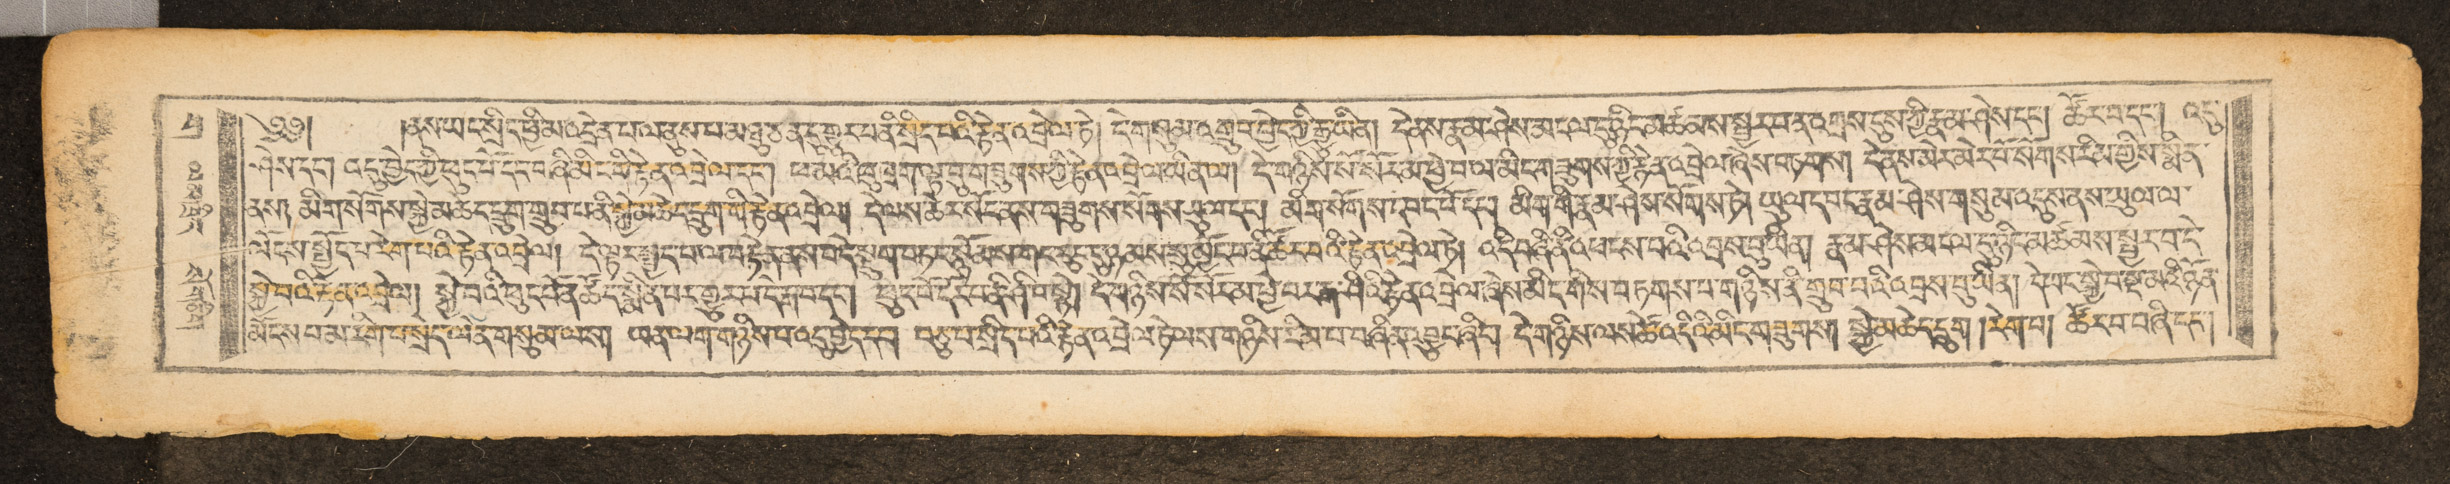༄༅། །ནས་ཡང་སྲིད་ཕྱི་མ་འདྲེན་པ་ལ་ནུས་པ་མཐུ་ཅན་དུ་གྱུར་པ་ནི་སྲིད་པའི་རྟེན་འབྲེལ་ཏེ། དེ་གསུམ་འགྲུབ་བྱེད་ཀྱི་རྒྱུ་ཡིན། དེ་ནས་རྣམ་ཤེས་མངལ་དུ་ཉིང་མཚམས་སྦྱར་བ་ན་འབྲས་དུས་ཀྱི་རྣམ་ཤེས་དང་། ཚོར་བ་དང་། འདུ་
ཤེས་དང་། འདུ་བྱེད་ཀྱི་ཕུང་པོ་དང་བཞི་མིང་གི་རྟེན་འབྲེལ་དང་། ཕ་མའི་ཁུ་ཁྲག་ལྟ་བུ་གཟུགས་ཀྱི་རྟེན་འབྲེལ་ཡིན་ལ། དེ་གཉིས་སོ་སོར་མ་ཕྱེ་བ་ལ་མིང་གཟུགས་ཀྱི་རྟེན་འབྲེལ་ཞེས་བཏགས། དེ་ནས་མེར་མེར་པོ་སོགས་རིམ་གྱིས་སྨིན་
ནས༑ མིག་སོགས་སྐྱེ་མཆེད་དྲུག་གྲུབ་པ་ནི་སྐྱེ་མཆེད་དྲུག་གི་རྟེན་འབྲེལ། དེ་ལས་ཆེར་སོང་ནས་གཟུགས་སོགས་ཡུལ་དང་། མིག་སོགས་དབང་པོ་དང་། མིག་གི་རྣམ་ཤེས་སོགས་ཏེ། ཡུལ་དབང་རྣམ་ཤེས་གསུམ་འདུས་ནས་ཡུལ་ལ་
ལོངས་སྤྱོད་པ་རེག་པའི་རྟེན་འབྲེལ། དེ་ལྟར་སྤྱད་པ་ལ་བརྟེན་ནས་བདེ་སྡུག་བཏང་སྙོམས་གང་རུང་དུ་ཉམས་སུ་མྱོང་བ་ནི་ཚོར་བའི་རྟེན་འབྲེལ་ཏེ། འདི་བཞི་ནི་འཕངས་པའི་འབྲས་བུ་ཡིན། རྣམ་ཤེས་མངལ་དུ་ཉིང་མཚམས་སྦྱར་བ་དེ་
སྐྱེ་བའི་རྟེན་འབྲེལ། སྐྱེ་བའི་ཕུང་པོ་ན་ཚོད་སྨིན་པར་གྱུར་པ་དེ་རྒ་བ་དང་། ཕུང་པོ་དོར་བ་ནི་ཤི་བ་སྟེ། དེ་གཉིས་སོ་སོར་མ་ཕྱེ་བར་རྒ་ཤིའི་རྟེན་འབྲེལ་ཞེས་མིང་གིས་བཏགས་པ་གཉིས་ནི་གྲུབ་པའི་འབྲས་བུ་ཡིན། དེ་ཡང་སྐྱེ་བ་སྔ་མའི་ཉོན་
མོངས་པ་མ་རིག་པ་སྲེད་ལེན་གསུམ་ལས། ཡན་ལག་གཉིས་པ་འདུ་བྱེད་དང་། བཅུ་པ་སྲིད་པའི་རྟེན་འབྲེལ་ཏེ་ལས་གཉིས་རིམ་པ་བཞིན་འབྱུང་ཞིང་། དེ་གཉིས་ལས་ཚེ་འདིའི་མིང་གཟུགས། སྐྱེ་མཆེད་དྲུག །རེག་པ། ཚོར་བ་བཞི་དང་།